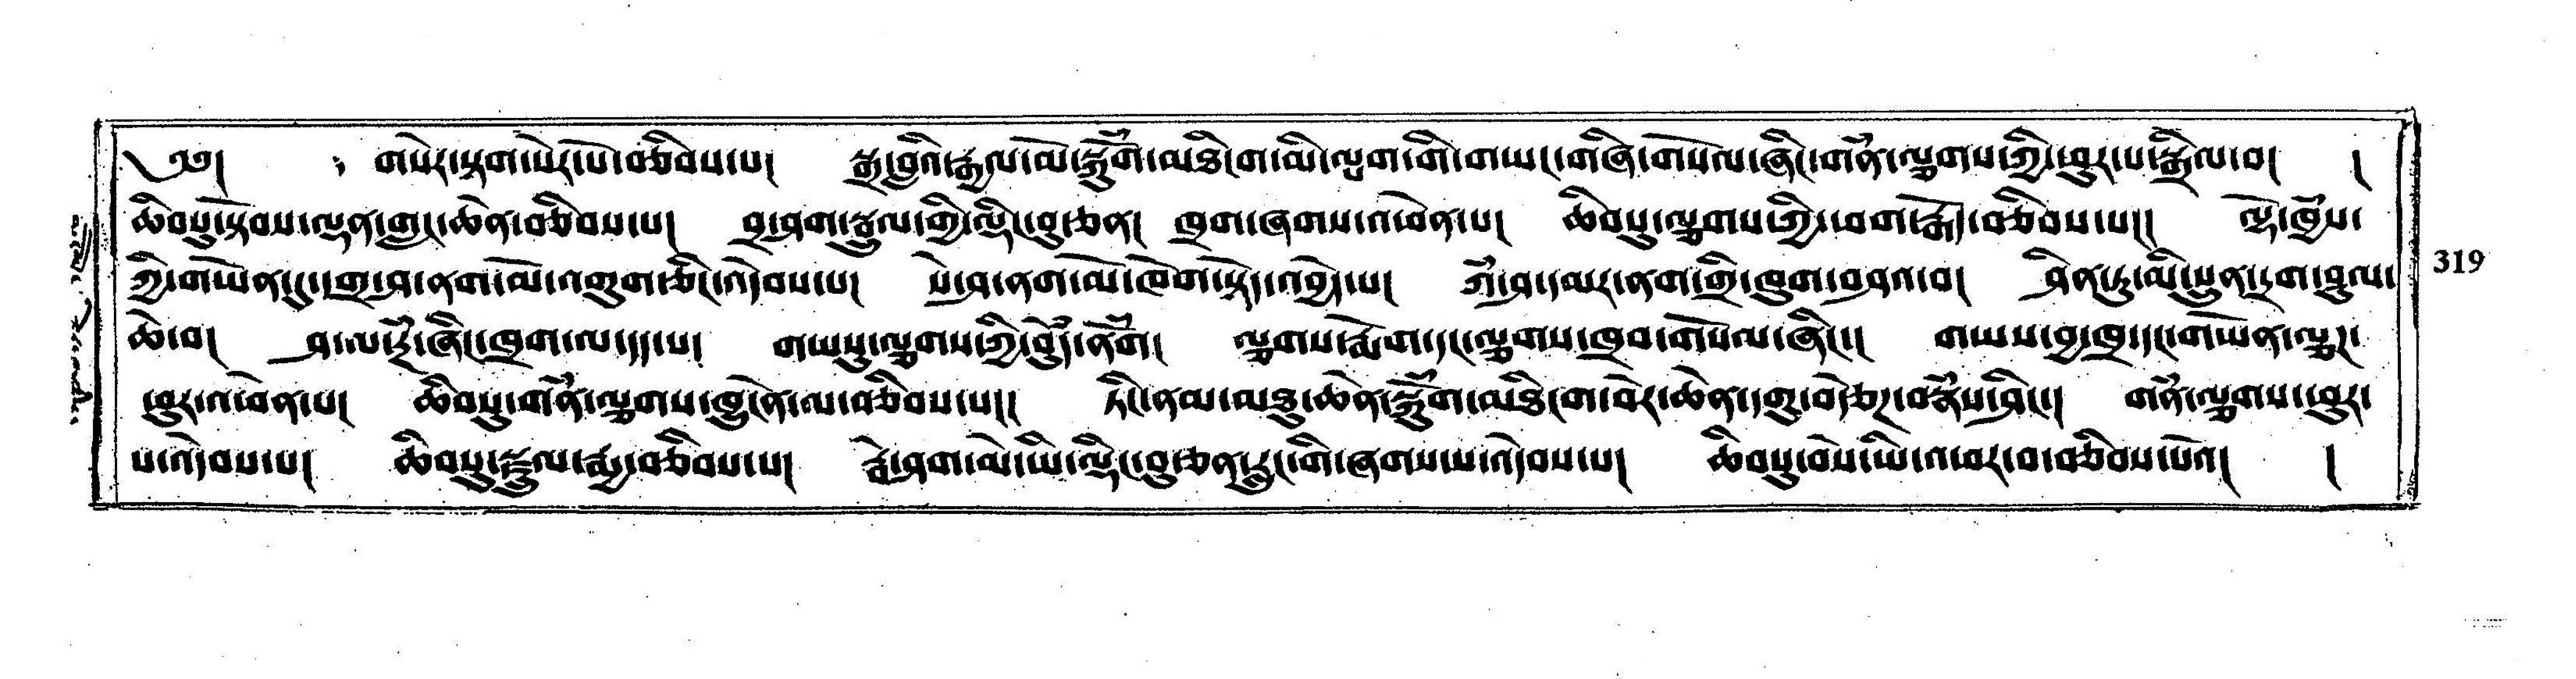གསེར་སྟག་སེར་པོ་བཅིབས་པ། སྒྲ་བླའི་རྒྱལ་མོ་སྐུ་མདོག་མཐིང་ནག་མི་ལྤག་གི་གཡང་གཞི་གསོལ་ཞིང་གནམ་ལྕགས་ཀྱི་ཕུར་པ་སྒྲིལ་བ། 
ཆིབས་སུ་སྟོབས་ལྡན་གླང་ཆེན་བཅིབས་པ། བྲ་ཤག་སྦྲུལ་གྱི་ལྡིང་བུ་ཅན། ཁྲག་ཞགས་འཕེན་པ། ཆིབས་སུ་ལྕགས་ཀྱི་ཕག་རྒོད་བཅིབས་པ།། ལྷོ་ཁྱམས་
ཀྱི་གཡོན་དུ་དགྲ་ཤ་ནག་མོ་འགུག་ཅིང་འདེབས་པ། སེ་ཤ་ནག་མོ་ཁོག་སྟོད་འབྱེད་པ། ཀཾ་ཤ་དམར་ནག་གྲི་ཁུག་བཤའ་བ། ཤིན་ཏུ་མི་སྲུན་དྲག་ཤུལ་
ཆེ་བ། ཤ་ལ་རྔམ་ཞིང་ཁྲག་ལ་དད་པ། གཡས་སུ་ལྕགས་ཀྱི་བུད་མེད་ནག་མོ། ལྕགས་རྨོག་དང་ལྕགས་ཁྲབ་གསོལ་ཞིང་། གཡས་བྱ་ཁྲ་དང་གཡོན་ལྕགས་
ཕུར་འཕེན་པ། ཆིབས་སུ་གནམ་ལྕགས་ཁྱུང་ཆེན་ལ་བཅིབས་པ།། ཏིང་ནམ་མཐུ་ཆེན་སྐུ་མདོག་མཐིང་ནག་བེར་ཆེན་དགུ་བརྩེགས་བསྣམས་ཤིང་། གནམ་ལྕགས་ཕུར་
པ་འདེབས་པ། ཆིབས་སུ་རྫུ་འཕྲུལ་རྨ་བྱ་བཅིབས་པ། རྦེ་ཤག་མེ་ཡི་ལྡིང་བུ་ཅན་རླུང་གི་ཞགས་པ་འདེབས་པ། ཆིབས་སུ་བསེ་ཡི་འཕར་བ་བཅིབས་པའོ།